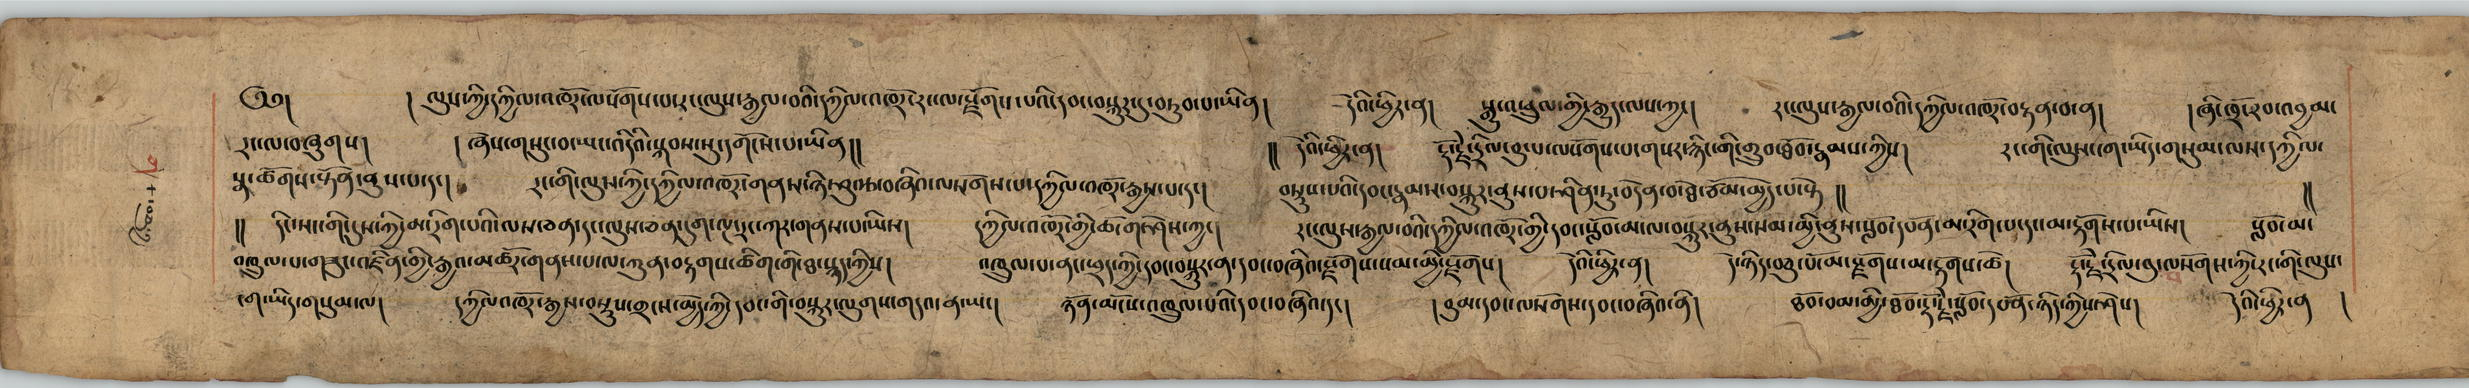༄༅། ། ལུས་ཀྱི་དཀྱིལ་འཁོར་ལསོགས་པ་རང་ལུས་རྒྱལ་བའི་དཀྱིལ་འཁོར་རང་ལ་སྫོགས་པའི་དབང་བསྐུར་དུ་བཏུབ་པ་ཡིན། དེའི་ཕྱིར་ན། སྒྱུ་འཕྲུལ་གྱི་རྒྱུད་ལས་ཀྱང། རང་ལུས་རྒྱལ་བའི་དཀྱིལ་འཁོར་བརྟན་བ་ན། །ཞི་ཁྲོ་རབ་འབྱམ་
དྲང་ལ་བཞུགས། །ཞེས་གསུང་བ་ཡང་འདིའི་སྐབས་སུ་དགོངས་པ་ཡིན།། །། དེའི་ཕྱིར་ན། རྡོ་རྗེ་དྲིལ་བུ་པ་ལསོགས་པ་གསར་རྙིང་གི་གྲུབ་ཐོབ་རྣམས་ཀྱིས། རང་གི་ལུས་ངག་ཡིད་གསུམ་ལས་དཀྱིལ་
སྣ་ཚོགས་སྟོན་ནུས་པ་དང། རང་གི་ལུས་ཀྱི་དཀྱིལ་འཁོར་གནས་ཉི་ཤུ་རྩ་བཞིའ་ལསོགས་པ་དཀྱིལ་འཁོར་རྒྱས་པ་དང། བསྡུས་པའི་དབང་རྣམས་བསྐུར་ནུས་པ་ཤིན་ཏུ་བདེན་བ་ཐེ་ཙོམ་མྱེད་པ་སྟེ །།
།། དིང་སང་གི་དུས་ཀྱི་མ་རིག་པའི་ལས་ཅན་དང་ལུས་ཅན་དུག་ལྔ་རང་ཀར་གནས་པ་ཡིས། དཀྱིལ་འཁོར་གྱི་ཆོ་ག་ཤེས་ཀྱང། རང་ལུས་རྒྱལ་བའི་དཀྱིལ་འཁོར་གྱི་དབང་སློབ་མ་ལ་བསྐུར་ནུས་སམ་མྱི་ནུས་སློབ་དཔོན་མ་རིག་པ་དང་མ་རྟོགས་པ་ཡིས། སློབ་མ་
འཁྲུལ་པ་གཟུང་འཛིན་གྱི་རྒྱའ་མཚོར་གནས་པ་ལ་ཀུན་བརྟགས་ཚིག་གི་ཐ་སྙད་ཀྱིས། འཁྲུལ་པ་ནང་ཕྲད་ཀྱི་དབང་བསྐུར་ན་དབང་བཞིའ་སྫོགས་སམ་མྱི་སྫོགས། དེའི་ཕྱིར་ན། དེ་ཉིད་བཅུ་པོ་མ་སྫོགས་མ་རྟོགས་ཚེ། རྡོ་རྗེ་དྲིལ་བུ་ལསོགས་ཀྱི་རང་གི་ལུས་
ངག་ཡིད་གསུམ་ལ། དཀྱིལ་འཁོར་རྒྱས་བསྡུས་གྲངས་མྱེད་ཀྱི་དབང་གི་བསྐུར་ལུགས་གདའ་ན་ཡང། ཉོན་མོངས་འཁྲུལ་པཔའི་དབང་བཞིའ་དང། །བུམ་དབང་ལསོགས་དབང་བཞིའ་ནི། ཐོབ་བམ་མྱི་ཐོབ་རྡོ་རྗེ་སློབ་དཔོན་ཉིད་ཀྱིས་ཤེས། དེའི་ཕྱིར་ན །